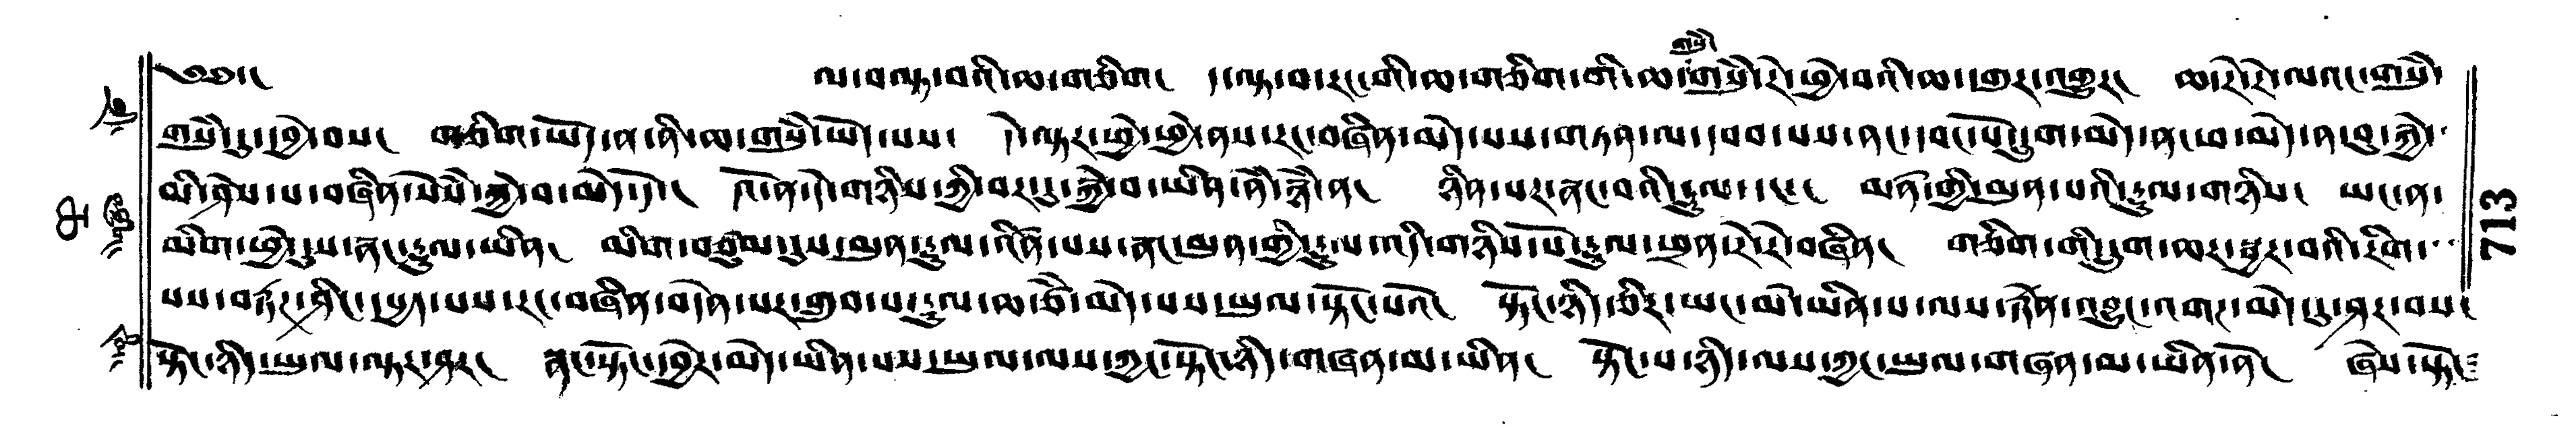ལ་བལྟ་བའི་ཆ་གཅིག ད་ལྟ་བ་རང་གི་ཆ་གཅིག་གི་ཆ་གསུམ་གསུམ་རེ་ཕྱེ་བའི་ཆ་དགུར་འགྱུར། ཆ་རེ་རེ་ལའང་གསུམ་
གསུམ་དུ་དབྱེ་བས། གཅིག་ཡོད་ན་ནི་ཆ་གསུམ་ཡོད་པས། དེ་ལྟར་ཕྱེ་ཕྱེ་ནས་རང་བཞིན་མེད་པར་གཏན་ལ་དབབ་པས་ནང་དབང་པོ་དྲུག་མེད་ན་ཕ་མེད་ན་བུ་སྐྱེ་
མི་ཤེས་པ་བཞིན་སེམས་སྐྱེ་མེད་དོ། འོ་ན་དེ་གཉིས་ཀྱི་བར་དུ་སྐྱེ་བ་ཡིན་ནམ་སྙམ་ན། ཉིན་པར་སྣང་བའི་རྡུལ་དང་། མཚན་གྱི་མུན་པའི་རྡུལ་གཉིས། ཡང་ན་
མིག་ཕྱེ་དུས་སྣང་རྡུལ་ཡིན། མིག་བཙུམ་དུས་མུན་རྡུལ་འཛིན་པས་སྣང་མུན་གྱི་རྡུལ་འདི་གཉིས་པོ་རྡུལ་ཕྲན་རེ་རེ་བཞིན། གཅིག་གི་དྲུག་ཆར་སྦྱར་བའི་རིགས་
པས་བརྟགས་ཤིང་དཔྱད་པས་རང་བཞིན་བདེན་པར་གྲུབ་པ་རྡུལ་ཆ་ཙམ་མེད་པས་ཡུལ་སྟོང་པའོ། སྟོང་ཉིད་ཅིར་ཡང་མ་ཡིན་པ་ལས་རྟེན་འབྱུང་འགག་མེད་དུ་ཤར་བས་
སྟོང་ཉིད་ཡུལ་ལྟར་ཤར། སྣང་སྟོང་དབྱེར་མེད་ཡིན་པས་ཡུལ་ལས་ཀྱང་སྟོང་ཉིད་གཞན་མ་ཡིན། སྟོང་པ་ཉིད་ལས་ཀྱང་ཡུལ་གཞན་མ་ཡིན་ནོ། ཞེས་སྟོང་